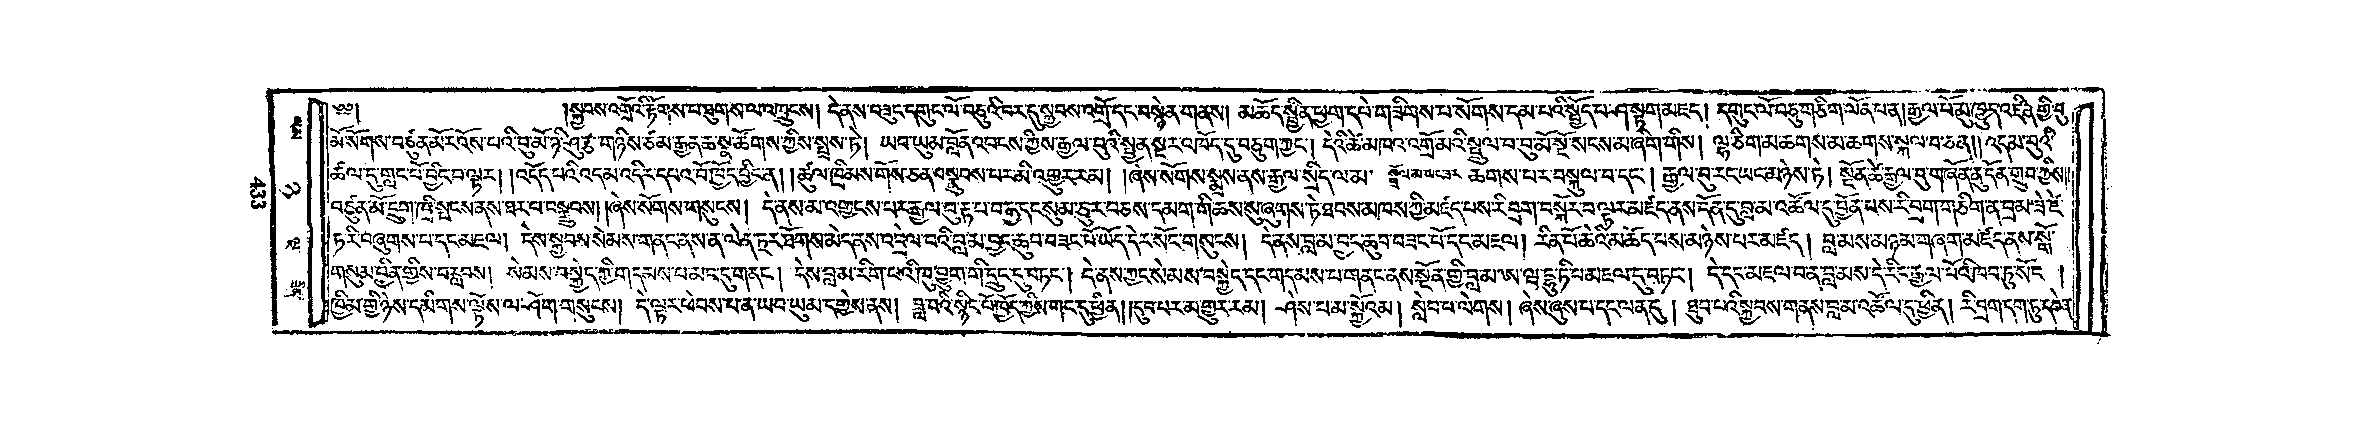༄༅། །སྐྱབས་འགྲོའི་རྟོགས་པ་ཐུགས་ལ་འཁྲུངས། དེ་ནས་བཟུང་དགུང་ལོ་བཅུའི་བར་དུ་སྐྱབས་འགྲོ་དང་བསྙེན་གནས། མཆོད་སྦྱིན་ཕྱག་དཔེ་གཟིགས་པ་སོགས་དམ་པའི་སྤྱོད་པ་ཤ་སྟག་མཛད། དགུང་ལོ་བཅུ་གཅིག་ལོན་པ་ན། རྒྱལ་པོ་མུ་ཁྱུད་འཛིན་གྱི་བུ་
མོ་སོགས་བཙུན་མོར་འོས་པའི་བུ་མོ་ཉི་ཤུ་རྩ་གཉིས་ཙམ་རྒྱན་ཆ་སྣ་ཚོགས་ཀྱིས་སྤྲས་ཏེ། ཡབ་ཡུམ་བློན་འབངས་ཀྱིས་རྒྱལ་བུའི་སྤྱན་སྔར་འཁོད་དུ་བཅུག་ཀྱང་། དེའི་ཚེ་མཁའ་འགྲོ་མའི་སྤྲུལ་བ་བུ་མོ་སྔོ་སངས་མ་ཞིག་གིས། ལྷ་ཅིག་མ་ཆགས་མ་ཆགས་སྐལ་བ་ཅན། །འདམ་བུའི་
ཚལ་དུ་གླང་པོ་བྱིང་བ་ལྟར། །འདོད་པའི་འདམ་འདིར་དཔའ་བོ་ཁྱོད་བྱིང་ན། །ཚུལ་ཁྲིམས་གོས་ཅན་བསྣུབས་པར་མི་འགྱུར་རམ། །ཞེས་སོགས་སྨྲས་ནས་རྒྱལ་སྲིད་ལ་མ་སྒྲོལ་མ་ཡང་ཟར་ཆགས་པར་བསྐུལ་བ་དང་། རྒྱལ་བུ་རང་ཡང་མཉེས་ཏེ། སྔོན་ཚེ་རྒྱལ་བུ་གཞོན་ནུ་དོན་གྲུབ་ཀྱིས། །
བཙུན་མོ་དྲུག་ཁྲི་སྤངས་ནས་ཐར་པ་བསྒྲུབས། །ཞེས་སོགས་གསུངས། དེ་ནས་མ་འགྱངས་པར་རྒྱལ་བུ་རྟ་པ་བརྒྱ་དང་སུམ་ཅུར་བཅས་དམག་གི་ཆས་སུ་ཞུགས་ཏེ་ཐབས་མཁས་ཀྱི་མཛད་པས་རི་བྲག་བསྐོར་བ་ལྟར་མཛད་ནས་དོན་དུ་བླ་མ་འཚོལ་དུ་བྱོན་པས་རི་བྲག་གཅིག་ན་བྲམ་ཟེ་ཛེ་
ཏ་རི་བཞུགས་པ་དང་མཇལ། དེས་སྐྱབས་སེམས་གནང་ནས་ན་ལེན་ཏྲར་ཐོགས་མེད་ནས་འབྲེལ་བའི་བླ་མ་བྱང་ཆུབ་བཟང་པོ་ཡོད་དེར་སོང་གསུངས། དེ་ནས་བླ་མ་བྱང་ཆུབ་བཟང་པོ་དང་མཇལ། རིན་པོ་ཆེའི་མཆོད་པས་མཉེས་པར་མཛད། བླ་མས་མཉམ་གཞག་མཛད་ནས་སྒོ་
གསུམ་བྱིན་གྱིས་བརླབས། སེམས་བསྐྱེད་ཀྱི་གདམས་པ་མང་དུ་གནང་། དེས་བླ་མ་རིག་པའི་ཁུ་བྱུག་གི་དྲུང་དུ་བཏང་། དེ་ནས་ཀྱང་སེམས་བསྐྱེད་དང་གདམས་པ་གནང་ནས་སྔོན་གྱི་བླ་མ་ཨ་ཝ་དྷུ་ཏི་པ་མཇལ་དུ་བཏང་། དེ་དང་མཇལ་བ་ན་བླ་མས་དེ་རིང་རྒྱལ་པོའི་ཁབ་ཏུ་སོང་།
ཁྱིམ་གྱི་ཉེས་དམིགས་ལྟོས་ལ་ཤོག་གསུངས། དེ་ལྟར་ཕེབས་པ་ན་ཡབ་ཡུམ་དགྱེས་ནས། ཟླ་བའི་སྙིང་པོ་ཁྱོད་ཀྱིས་གང་དུ་ཕྱིན། །དུབ་པར་མ་གྱུར་རམ། ཤེས་པ་མ་སྐྱོའམ། སླེབ་པ་ལེགས། ཞེས་ཞུས་པ་དང་ལན་དུ། ཐུབ་པའི་སྐྱབས་གནས་བླ་མ་འཚོལ་དུ་ཕྱིན། རི་བྲག་དག་ཏུ་དབེན་